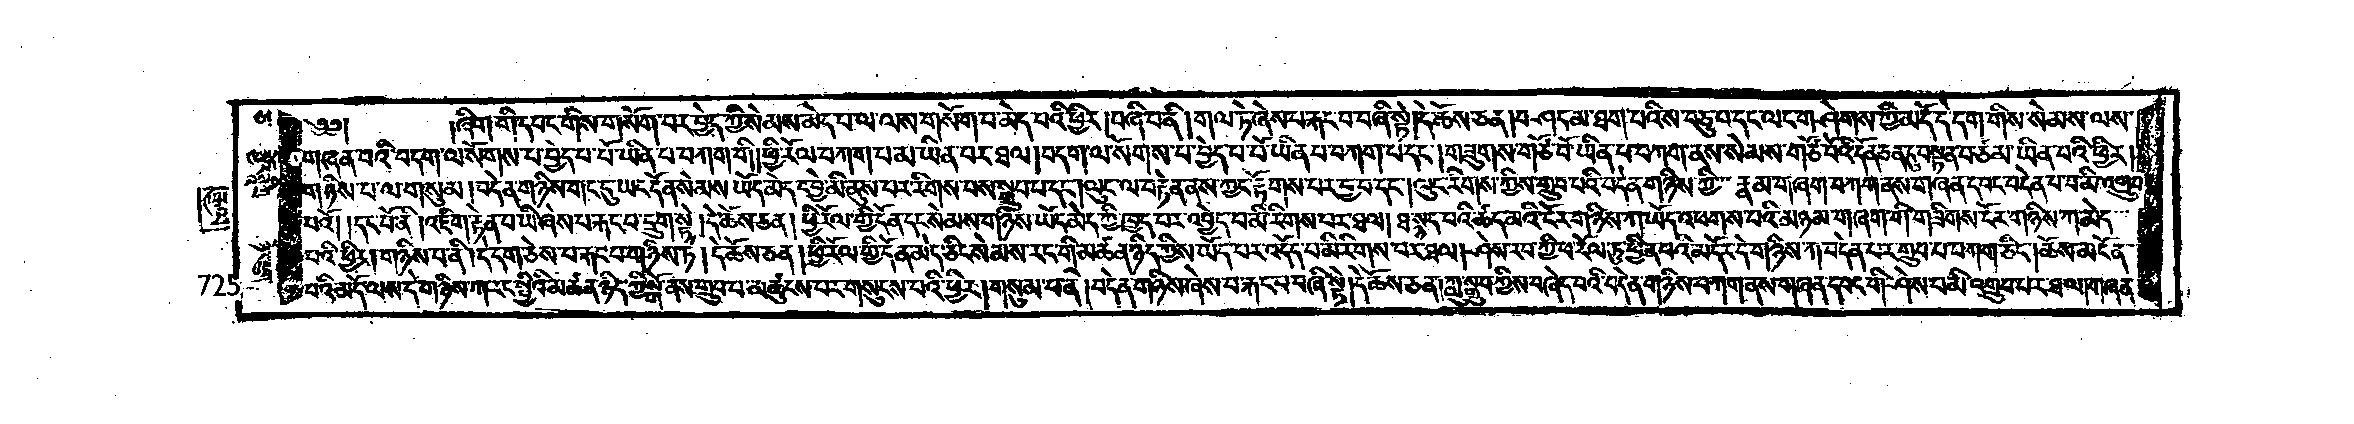༄༅། །ཞིག་གི་དབང་གིས་གསོག་པར་བྱེད་ཀྱི་སེམས་མེད་པ་ལ་ལས་གསོག་པ་མེད་པའི་ཕྱིར། བཞི་པ་ནི། གལ་ཏེ་ཞེས་པ་རྐང་པ་བཞི་སྟེ། དེ་ཆོས་ཅན། བཤད་མ་ཐག་པའི་ས་བཅུ་པ་དང་ལང་གཤེགས་ཀྱི་མདོ་དེ་དག་གིས་སེམས་ལས་
གཞན་པའི་བདག་ལ་སོགས་པ་བྱེད་པ་པོ་ཡིན་པ་བཀག་གི །ཕྱི་རོལ་བཀག་པ་མ་ཡིན་པར་ཐལ། བདག་ལ་སོགས་པ་བྱེད་པ་པོ་ཡིན་པ་བཀག་པ་དང་། གཟུགས་གཙོ་བོ་ཡིན་པ་བཀག་ནས་སེམས་གཙོ་བོའི་དོན་ཅན་དུ་བསྟན་པ་ཙམ་ཡིན་པའི་ཕྱིར།
གཉིས་པ་ལ་གསུམ། བདེན་གཉིས་གང་དུ་ཡང་དོན་སེམས་ཡོད་མེད་དབྱེ་མི་ནུས་པར་རིགས་པས་སྒྲུབ་པ་དང་། ལུང་ལ་བརྟེན་ནས་ཀྱང་རྟོགས་པར་བྱ་བ་དང་ལུང་རིགས་ཀྱིས་གྲུབ་པའི་བདེན་གཉིས་ཀྱི་རྣམ་གཞག་བཀག་ནས་གཞན་དབང་བདེན་པ་བ་མི་འགྲུབ་
པའོ། །དང་པོ་ནི། འཇིག་རྟེན་པ་ཡི་ཞེས་པ་རྐང་པ་དྲུག་སྟེ། དེ་ཆོས་ཅན། ཕྱི་རོལ་གྱི་དོན་དང་སེམས་གཉིས་ཡོད་མེད་ཀྱི་ཁྱད་པར་འབྱེད་པ་མི་རིགས་པར་ཐལ། ཐ་སྙད་པའི་ཚད་མའི་ངོར་གཉིས་ཀ་ཡོད་འཕགས་པའི་མཉམ་གཞག་གི་གཟིགས་ངོར་གཉིས་ཀ་མེད་
པའི་ཕྱིར། གཉིས་པ་ནི། དེ་དག་ཅེས་པ་རྐང་པ་གཉིས་ཏེ། དེ་ཆོས་ཅན། ཕྱི་རོལ་གྱི་དོན་མེད་ཅིང་སེམས་རང་གི་མཚན་ཉིད་ཀྱིས་ཡོད་པར་འདོད་པ་མི་རིགས་པར་ཐལ། ཤེས་རབ་ཀྱི་ཕ་རོལ་ཏུ་ཕྱིན་པའི་མདོར་དེ་གཉིས་ཀ་བདེན་པར་གྲུབ་པ་བཀག་ཅིང་། ཆོས་མངོན་
པའི་མདོ་ལས་དེ་གཉིས་ཀ་རང་སྤྱིའི་མཚན་ཉིད་ཀྱི་སྒོ་ནས་གྲུབ་པ་མཚུངས་པར་གསུངས་པའི་ཕྱིར། གསུམ་པ་ནི། བདེན་གཉིས་ཞེས་པ་རྐང་པ་བཞི་སྟེ། དེ་ཆོས་ཅན། ཀླུ་སྒྲུབ་ཀྱིས་བཞེད་པའི་བདེན་གཉིས་བཀག་ནས་གཞན་དབང་གི་ཤེས་པ་མི་འགྲུབ་པར་ཐལ། གཞན་